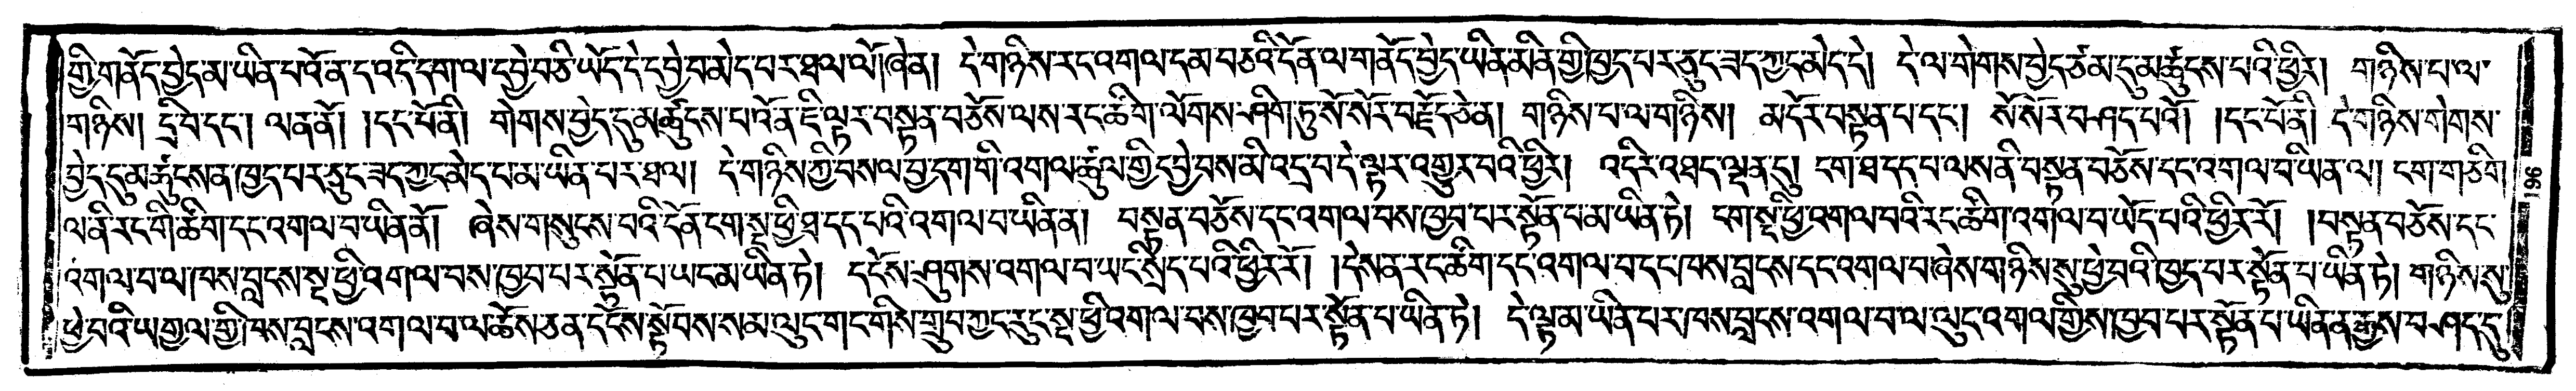གྱི་གནོད་བྱེད་མ་ཡིན་པའོ་ན་ད་འདི་དག་ལ་དབྱེ་བ་ཅི་ཡོད་དེ་དབྱེ་བ་མེད་པར་ཐལ་ལོ། ཞེ་ན། དེ་གཉིས་རང་འགལ་དམ་བཅའི་དོན་ལ་གནོད་བྱེད་ཡིན་མིན་གྱི་ཁྱད་པར་ཅུང་ཟད་ཀྱང་མེད་དེ། དེ་ལ་གེགས་བྱེད་ཙམ་དུ་མཚུངས་པའི་ཕྱིར། གཉིས་པ་ལ་
གཉིས། དྲི་བ་དང་། ལན་ནོ། །དང་པོ་ནི། གེགས་བྱེད་དུ་མཚུངས་པའོ་ན་ཇི་ལྟར་བསྟན་བཅོས་ལས་རང་ཚིག་ལོགས་ཤིག་ཏུ་སོ་སོར་བརྗོད་ཅེ་ན། གཉིས་པ་ལ་གཉིས། མདོར་བསྟན་པ་དང་། སོ་སོར་བཤད་པའོ། །དང་པོ་ནི། དེ་གཉིས་གེགས་
བྱེད་དུ་མཚུངས་ན་ཁྱད་པར་ཅུང་ཟད་ཀྱང་མེད་པ་མ་ཡིན་པར་ཐལ། དེ་གཉིས་ཀྱི་བསལ་བྱ་དག་གི་འགལ་ཚུལ་གྱི་དབྱེ་བས་མི་འདྲ་བ་དེ་ལྟར་འགྱུར་བའི་ཕྱིར། འདིར་འཐད་ལྡན་དུ། དག་ཐ་དད་པ་ལས་ནི་བསྟན་བཅོས་དང་འགལ་བ་ཡིན་ལ། ངག་གཅིག་
ལ་ནི་རང་གི་ཚིག་དང་འགལ་བ་ཡིན་ནོ། ཞེས་གསུངས་པའི་དོན་ངག་སྔ་ཕྱི་ཐ་དད་པའི་འགལ་བ་ཡིན་ན། བསྟན་བཅོས་དང་འགལ་བས་ཁྱབ་པར་སྟོན་པ་མ་ཡིན་ཏེ། ངག་སྔ་ཕྱི་འགལ་བའི་རང་ཚིག་འགལ་བ་ཡོད་པའི་ཕྱིར་རོ། །བསྟན་བཅོས་དང་
འགལ་བ་ལ་ཁས་བླངས་སྔ་ཕྱི་འགལ་བས་ཁྱབ་པར་སྟོན་པ་ཡང་མ་ཡིན་ཏེ། དངོས་ཤུགས་འགལ་བ་ཡང་སྲིད་པའི་ཕྱིར་རོ། །དེས་ན་རང་ཚིག་དང་འགལ་བ་དང་ཁས་བླངས་དང་འགལ་བ་ཞེས་གཉིས་སུ་ཕྱེ་བའི་ཁྱད་པར་སྟོན་པ་ཡིན་ཏེ། གཉིས་སུ་
ཕྱེ་བའི་ཡ་གྱལ་གྱི་ཁས་བླངས་འགལ་བ་ལ་ཆོས་ཅན་དངོས་སྟོབས་སམ་ལུང་གང་གིས་གྲུབ་ཀྱང་རུང་སྔ་ཕྱི་འགལ་བས་ཁྱབ་པར་སྟོན་པ་ཡིན་ཏེ། དེ་ལྟ་མ་ཡིན་པར་ཁས་བླངས་འགལ་བ་ལ་ལུང་འགལ་གྱིས་ཁྱབ་པར་སྟོན་པ་ཡིན་ན་རྒྱས་བཤད་དུ་